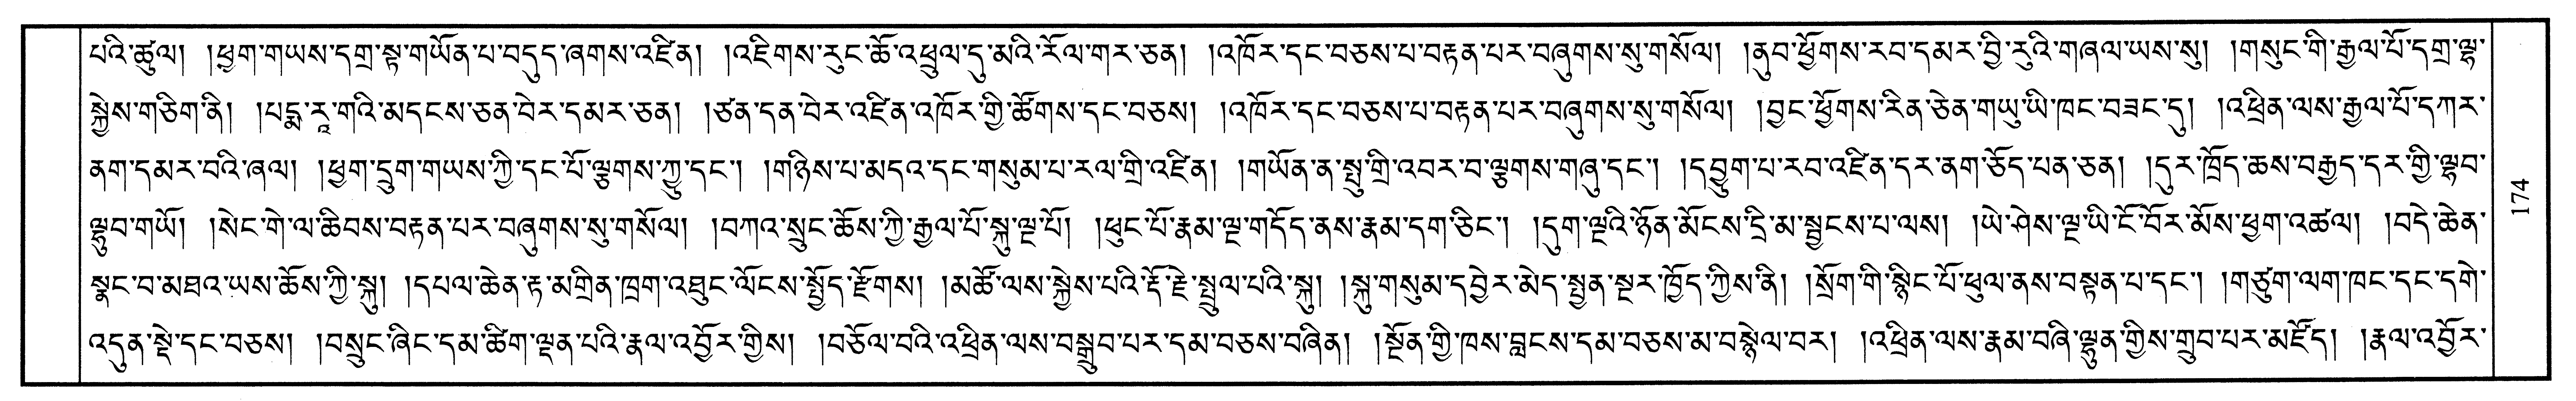པའི་ཚུལ། །ཕྱག་གཡས་དགྲ་སྟ་གཡོན་པ་བདུད་ཞགས་འཛིན། །འཇིགས་རུང་ཆོ་འཕྲུལ་དུ་མའི་རོལ་གར་ཅན། །འཁོར་དང་བཅས་པ་བརྟན་པར་བཞུགས་སུ་གསོལ། །ནུབ་ཕྱོགས་རབ་དམར་བྱི་རུའི་གཞལ་ཡས་སུ། །གསུང་གི་རྒྱལ་པོ་དགྲ་ལྷ་
སྐྱེས་གཅིག་ནི། །པདམ་རཱ་གའི་མདངས་ཅན་བེར་དམར་ཅན། །ཙན་དན་བེར་འཛིན་འཁོར་གྱི་ཚོགས་དང་བཅས། །འཁོར་དང་བཅས་པ་བརྟན་པར་བཞུགས་སུ་གསོལ། །བྱང་ཕྱོགས་རིན་ཅེན་གཡུ་ཡི་ཁང་བཟང་དུ། །འཕྲིན་ལས་རྒྱལ་པོ་དཀར་
ནག་དམར་བའི་ཞལ། །ཕྱག་དྲུག་གཡས་ཀྱི་དང་པོ་ལྕགས་ཀྱུ་དང་། །གཉིས་པ་མདའ་དང་གསུམ་པ་རལ་གྲི་འཛིན། །གཡོན་ན་སྤུ་གྲི་འབར་བ་ལྕགས་གཞུ་དང་། །དབྱུག་པ་རབ་འཛིན་དར་ནག་ཅོད་པན་ཅན། །དུར་ཁྲོད་ཆས་བརྒྱད་དར་གྱི་ལྷབ་
ལྷུབ་གཡོ། །སེང་གེ་ལ་ཆིབས་བརྟན་པར་བཞུགས་སུ་གསོལ། །བཀའ་སྲུང་ཆོས་ཀྱི་རྒྱལ་པོ་སྐུ་ལྔ་པོ། །ཕུང་པོ་རྣམ་ལྔ་གདོད་ནས་རྣམ་དག་ཅིང་། །དུག་ལྔའི་ཉོན་མོངས་དྲི་མ་སྦྱངས་པ་ལས། །ཡེ་ཤེས་ལྔ་ཡི་ངོ་བོར་མོས་ཕྱག་འཚལ། །བདེ་ཆེན་
སྣང་བ་མཐའ་ཡས་ཆོས་ཀྱི་སྐུ། །དཔལ་ཆེན་རྟ་མགྲིན་ཁྲག་འཐུང་ལོངས་སྤྱོད་རྫོགས། །མཚོ་ལས་སྐྱེས་པའི་རྡོ་རྗེ་སྤྲུལ་པའི་སྐུ། །སྐུ་གསུམ་དབྱེར་མེད་སྤྱན་སྔར་ཁྱོད་ཀྱིས་ནི། །སྲོག་གི་སྙིང་པོ་ཕུལ་ནས་བསྟན་པ་དང་། །གཙུག་ལག་ཁང་དང་དགེ་
འདུན་སྡེ་དང་བཅས། །བསྲུང་ཞིང་དམ་ཚིག་ལྡན་པའི་རྣལ་འབྱོར་གྱིས། །བཅོལ་བའི་འཕྲིན་ལས་བསྒྲུབ་པར་དམ་བཅས་བཞིན། །སྔོན་གྱི་ཁས་བླངས་དམ་བཅས་མ་བསྙེལ་བར། །འཕྲིན་ལས་རྣམ་བཞི་ལྷུན་གྱིས་གྲུབ་པར་མཛོད། །རྣལ་འབྱོར་